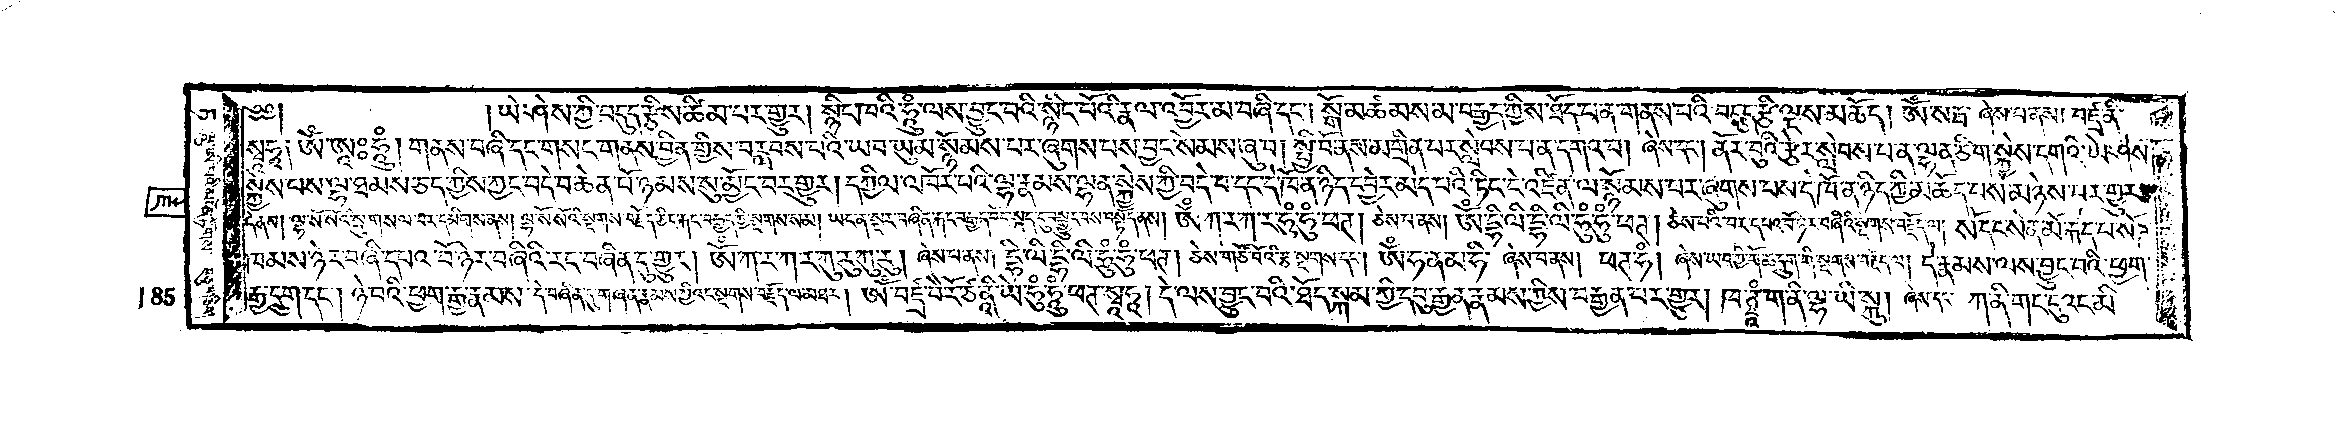༄༅། །ཡེ་ཤེས་ཀྱི་བདུད་རྩིས་ཚིམ་པར་གྱུར། སྙིང་ཁའི་ཧཱུཾ་ལས་བྱུང་བའི་སྙིང་པོའི་རྣལ་འབྱོར་མ་བཞི་དང་། སྒོ་མཚམས་མ་བརྒྱད་ཀྱིས་ཐོད་པ་ན་གནས་པའི་བདུད་རྩི་ལྔས་མཆོད། ཨོཾ་སརྦ་ཞེས་པ་ནས།  བཛྲ་ནི་
སྭཱཧཱ། ཨོཾ་ཨཱཿ ཧཱུཾ། གནས་བཞི་དང་གསང་གནས་བྱིན་གྱིས་བརླབས་པའི་ཡབ་ཡུམ་སྙོམས་པར་ཞུགས་པས་བྱང་སེམས་ཞུ་བ། སྤྱི་བོ་ནས་མགྲིན་པར་སླེབས་པ་ན་དགའ་བ། ཞེས་དང་།  ནོར་བུའི་རྩེར་སླེབས་པ་ན་ལྷན་ཅིག་སྐྱེས་དགའི་ཡེ་ཤེས་
སྐྱེས་པས་ལྷ་ཐམས་ཅད་ཀྱིས་ཀྱང་བདེ་བ་ཆེན་པོ་ཉམས་སུ་མྱོང་བར་གྱུར། དཀྱིལ་འཁོར་པའི་ལྷ་རྣམས་ལྷན་སྐྱེས་ཀྱི་བདེ་བ་དང་དེ་ཁོ་ན་ཉིད་དབྱེར་མེད་པའི་ཏིང་ངེ་འཛིན་ལ་སྙོམས་པར་ཞུགས་པས་དེ་ཁོ་ན་ཉིད་ཀྱི་མཆོད་པས་མཉེས་པར་གྱུར་
དེ་ནས། ལྷ་སོ་སོའི་སྐུ་གསལ་བར་དམིགས་ནས། ལྷ་སོ་སོའི་སྔགས་བརྗོད་ཅིང་རྐང་བརྒྱད་ཀྱི་སྔགས་སམ། ཡང་ན་སྔར་བཞིན་རྐང་བརྒྱད་བོད་སྐད་དུ་བསྒྱུར་བས་བསྟོད་ནས།  ཨོཾ་ཀ་ར་ཀ་ར་ཧུཾ་ཧུཾ་ཕཊ། ཅེས་པ་ནས།  ཨོཾ་དྷི་ལི་དྷི་ལི་ཧུཾ་ཧུཾ་ཕཊ། ཅེས་པའི་བར་དཔའ་བོ་ཉེར་བཞིའི་སྔགས་བརྗོད་ལ།  སོ་དང་སེན་མོ་རྐེད་པ་སོགས་
ཁམས་ཉེར་བཞི་དཔའ་བོ་ཉེར་བཞིའི་རང་བཞིན་དུ་གྱུར། ཨོཾ་ཀ་ར་ཀ་ར་ཀུ་རུ་ཀུ་རུ། ཞེས་པ་ནས།  དྷི་ལི་དྷི་ལི་ཧུཾ་ཧུཾ་ཕཊ། ཅེས་གཙོ་བོའི་རྩ་སྔགས་དང་།  ཨོཾ་ཧ་ན་མ་ཧི་ཞེས་པ་ནས།  ཕཊ་ཧཾ། ཞེས་ཡབ་ཀྱི་གོ་ཆ་དྲུག་གི་སྔགས་བརྗོད་ལ།  དེ་རྣམས་ལས་བྱུང་བའི་ཕྱག་
རྒྱ་དྲུག་དང་། ཉེ་བའི་ཕྱག་རྒྱ་རྣམས་དེ་བཞིན་དུ་གཞན་རྣམས་ཀྱིའང་སྔགས་བརྗོད་ལ་མཐར།  ཨོཾ་བཛྲ་བཻ་རོ་ཙ་ནཱི་ཡེ་ཧུཾ་ཧཱུཾ་ཕཊ་སྭཱཧཱ། དེ་ལས་བྱུང་བའི་ཐོད་སྐམ་གྱི་དབུ་རྒྱན་རྣམས་ཀྱིས་བརྒྱན་པར་གྱུར། ཁ་ཊྭཱཾ་ག་ནི་ལྷ་ཡི་སྐུ། ཞེས་དང་ཀ་ནི་གང་དུའང་མི་